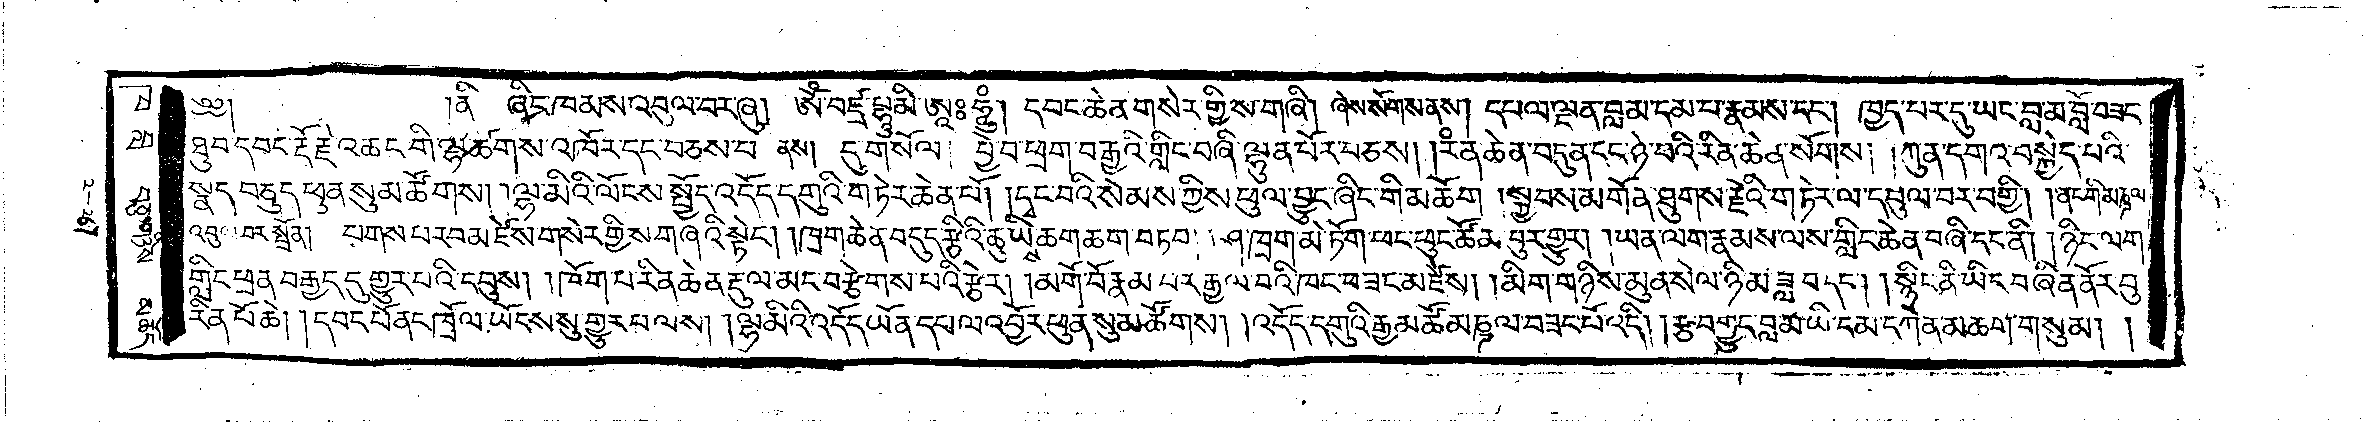༄༅། །ནི་ཞིང་ཁམས་འབུལ་བར་ཞུ། ཨོཾ་བཛྲ་ཕཱུ་མི་ཨཱཿཧཱུཾ། དབང་ཆེན་གསེར་གྱི་ས་གཞི། ཞེས་སོགས་ནས། དཔལ་ལྡན་བླ་མ་དམ་པ་རྣམས་དང་། ཁྱད་པར་དུ་ཡང་བླ་མ་བློ་བཟང་
ཐུབ་དབང་རྡོ་རྗེ་འཆང་གི་ལྷ་ཚགས་འཁོར་དང་བཅས་པ་ནས། དུ་གསོལ། བྱེ་བ་ཕྲག་བརྒྱའི་གླིང་བཞི་ལྷུན་པོར་བཅས། །རིན་ཆེན་བདུན་དང་ཉེ་བའི་རིན་ཆེན་སོགས། །ཀུན་དགའ་བསྐྱེད་པའི་
སྣད་བཅུད་ཕུན་སུམ་ཚོགས། །ལྷ་མིའི་ལོངས་སྤྱོད་འདོད་དགུའི་གཏེར་ཆེན་པོ། །དྭང་བའི་སེམས་ཀྱིས་ཕུལ་བྱུང་ཞིང་གི་མཆོག །སྐྱབས་མངོན་ཐུགས་རྗེའི་གཏེར་ལ་དབུལ་བར་བགྱི། །ནང་གི་མཎྡལ་
འབུལ་བར་སྤྲོན། པགས་པར་བ་མཛེས་གསེར་གྱི་ས་གཞིའི་སྟེང་། །ཁྲག་ཆེན་བདུད་རྩིའི་ཆུ་ཡིས་ཆག་ཆག་བཏབ། །ཤ་ཁྲག་མེ་ཏོག་ཕང་ཕུང་ཚོམ་བུར་གྱུར། །ཡན་ལག་རྣམས་ལས་གླིང་ཆེན་བཞི་དང་ནི། །ཉིང་ལག་
གླིང་ཕྲན་བརྒྱད་དུ་གྱུར་པའི་དབུས། །ཁོག་པ་རིན་ཆེན་རྡུལ་མང་བརྩེགས་པའི་རྩེར། །མགོ་བོ་རྣམ་པར་རྒྱལ་བའི་ཁང་བཟང་མཛེས།། །མིག་གཉིས་མུན་སེལ་ཉི་མ་ཟླ་བ་དང་། །སྙིང་ནི་ཡིད་བཞིན་ནོར་བུ་
རིན་པོ་ཆེ། །དབང་པོ་ནང་ཁྲོལ་ཡོངས་སུ་གྱུར་བ་ལས། །ལྷ་མིའི་འདོད་ཡོན་དཔལ་འབྱོར་ཕུན་སུམ་ཚོགས། །འདོད་དགུའི་རྒྱ་མཚོ་མཎྜལ་བཟང་པོ་འདི། །རྩ་བརྒྱུད་བླ་མ་ཡི་དམ་དཀོན་མཆོག་གསུམ། །